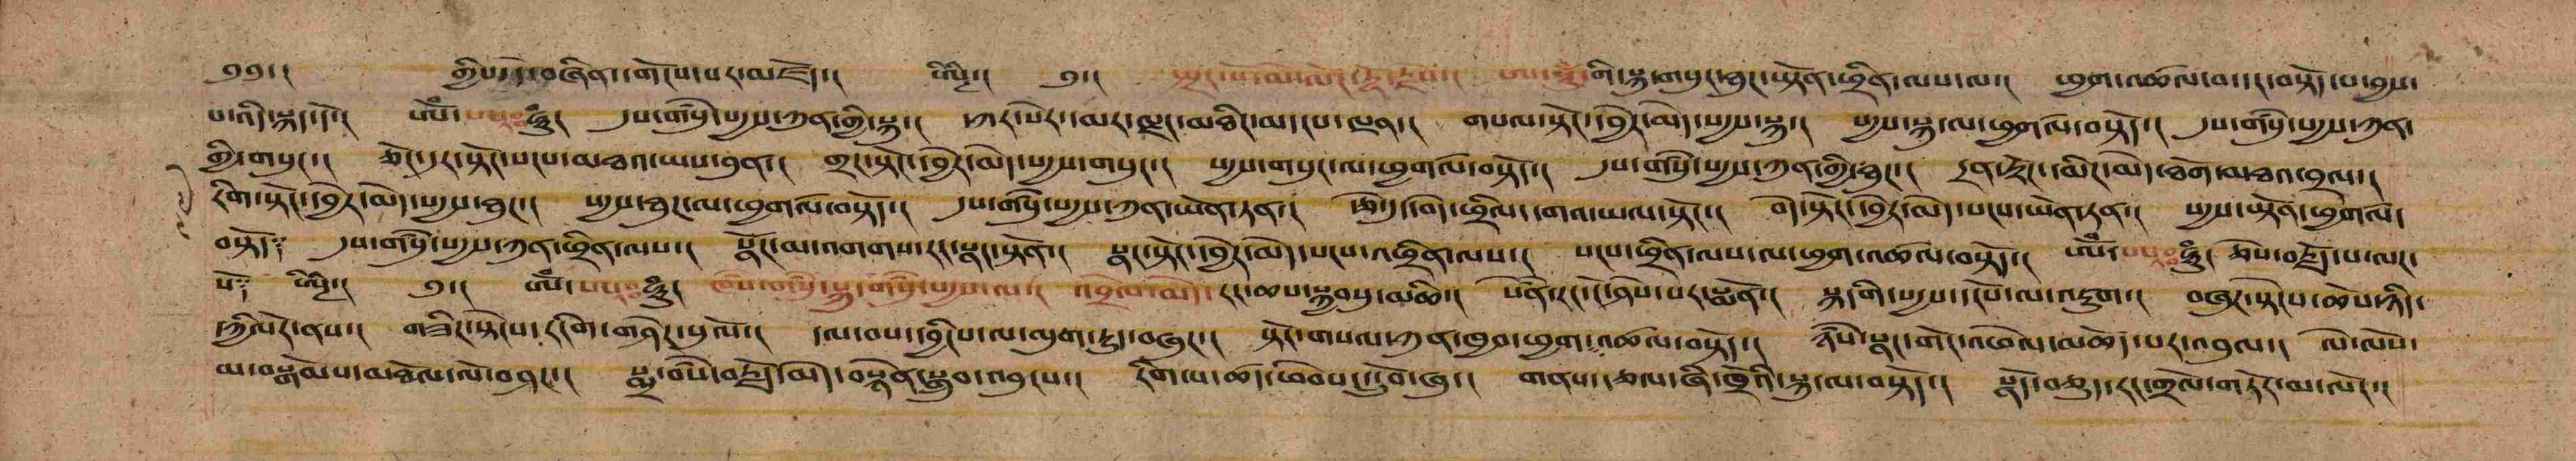༄༅་། གྱིས་དེ་བཞིན་དགོངས་པར་མཛོད། ཨིཊི། ༄་། སྤྲང་པོ་མེ་ལོང་རྡོ་རྗེས། ཨ་ཧཱུཾ་གི་སྐུ་གསུང་ཐུགས་ཡོན་ཏན་ཕྲིན་ལས་ལ། ཕྱག་འཚལ་བ་དང་བསྟོད་པ་བྱས་
པ་འདི་སྐད་དོ། ཨོཾ་ཨཱཿ ཧཱུཾ། དུས་གསུམ་སངས་རྒྱས་ཀུན་གྱི་སྐུ། དཀར་སེར་དམར་ལྗང་མཐིང་མདངས་ལྡན། གསལ་སྟོང་དབྱེར་མེད་སངས་རྒྱས་སྐུ། སངས་རྒྱས་སྐུ་ལ་ཕྱག་འཚལ་བསྟོད། དུས་གསུམ་སངས་རྒྱས་ཀུན་
གྱི་གསུང་། ཅོང་དུར་སྟོང་སངས་མཐའ་ཡས་བུན། གྲགས་སྟོང་དབྱེར་མེད་སངས་རྒྱས་གསུང་། སངས་རྒྱས་གསུང་ལ་ཕྱག་འཚལ་བསྟོད། དུས་གསུམ་སངས་རྒྱས་ཀུན་གྱི་ཐུགས། དྲན་རྟོགས་དམིགས་མེད་ཐོག་མཐའ་བྲལ། 
རིག་སྟོང་དབྱེར་མེད་སངས་རྒྱས་ཐུགས། སངས་རྒྱས་ཐུགས་ལ་ཕྱག་འཚལ་བསྟོད། དུས་གསུམ་སངས་རྒྱས་ཀུན་ཡོན་ཏན། རྩེ་དུད་བདེ་ཕྲིལ་དགའ་ཡལ་སྟོང་། བདེ་སྟོང་དབྱེར་མེད་སངས་ཡོན་ཏན། སངས་རྒྱས་ཡོན་ཏན་ཕྱག་འཚལ་
བསྟོད། དུས་གསུམ་སངས་རྒྱས་ཀུན་ཕྲིན་ལས། སྣ་ཚོགས་མ་འགགས་རང་སྣང་སྟོན། སྣང་སྟོང་དབྱེར་མེད་སངས་ཕྲིན་ལས། སངས་རྒྱས་ཕྲིན་ལས་ལ་ཕྱག་འཚལ་བསྟོད། ཨོཾ་ཨཱཿ ཧཱུཾ། ཅེས་བརྗོད་པ་ལགས་
སོ༑ ཨིཊི། ༄་། ཨོཾ་ཨཱཿཧཱུཾ། ཁམས་གསུམ་སྐུ་གསུམ་སངས་རྒྱས་ལ། འབྲེལ་མེད་རང་ཆས་སྐྱབས་སུ་མཆི། སེམས་ཅན་རང་ངོ་ཤེས་པར་སྨོན། སྐད་ཅིག་སངས་རྒྱས་དངོས་ལ་འཇུག། བཞུགས་སྟེངས་ཆོས་ཉིད་
དཀྱིལ་འཁོར་ནས། གཟིགས་སྟེངས་རང་རིག་གཤེགས་སུ་གསོལ། དལ་བས་དབྱིངས་ལ་ལུག་དྱུད་བཞུགས། སྟོང་གསལ་ཀུན་ཁྱབ་ཕྱག་འཚལ་བསྟོད། ཉམས་སྣང་གོང་འཕེལ་མཆོད་པར་འབུལ། ལེ་ལོས་
མ་བསྒོམས་མཐོལ་ལོ་བཤགས། སྨྲ་བསམ་བརྗོད་མེད་བསྙེན་སྒྲུབ་འབུངས། རིག་པ་ཚད་ཕེབས་དངོས་གྲུབ་ཞུ། གནས་རྩལ་ཞི་ཁྲོའི་སྐུ་ལ་བསྟོད། སྣོད་བཅུད་རང་གྲོལ་གཏོར་མ་ལོང་།